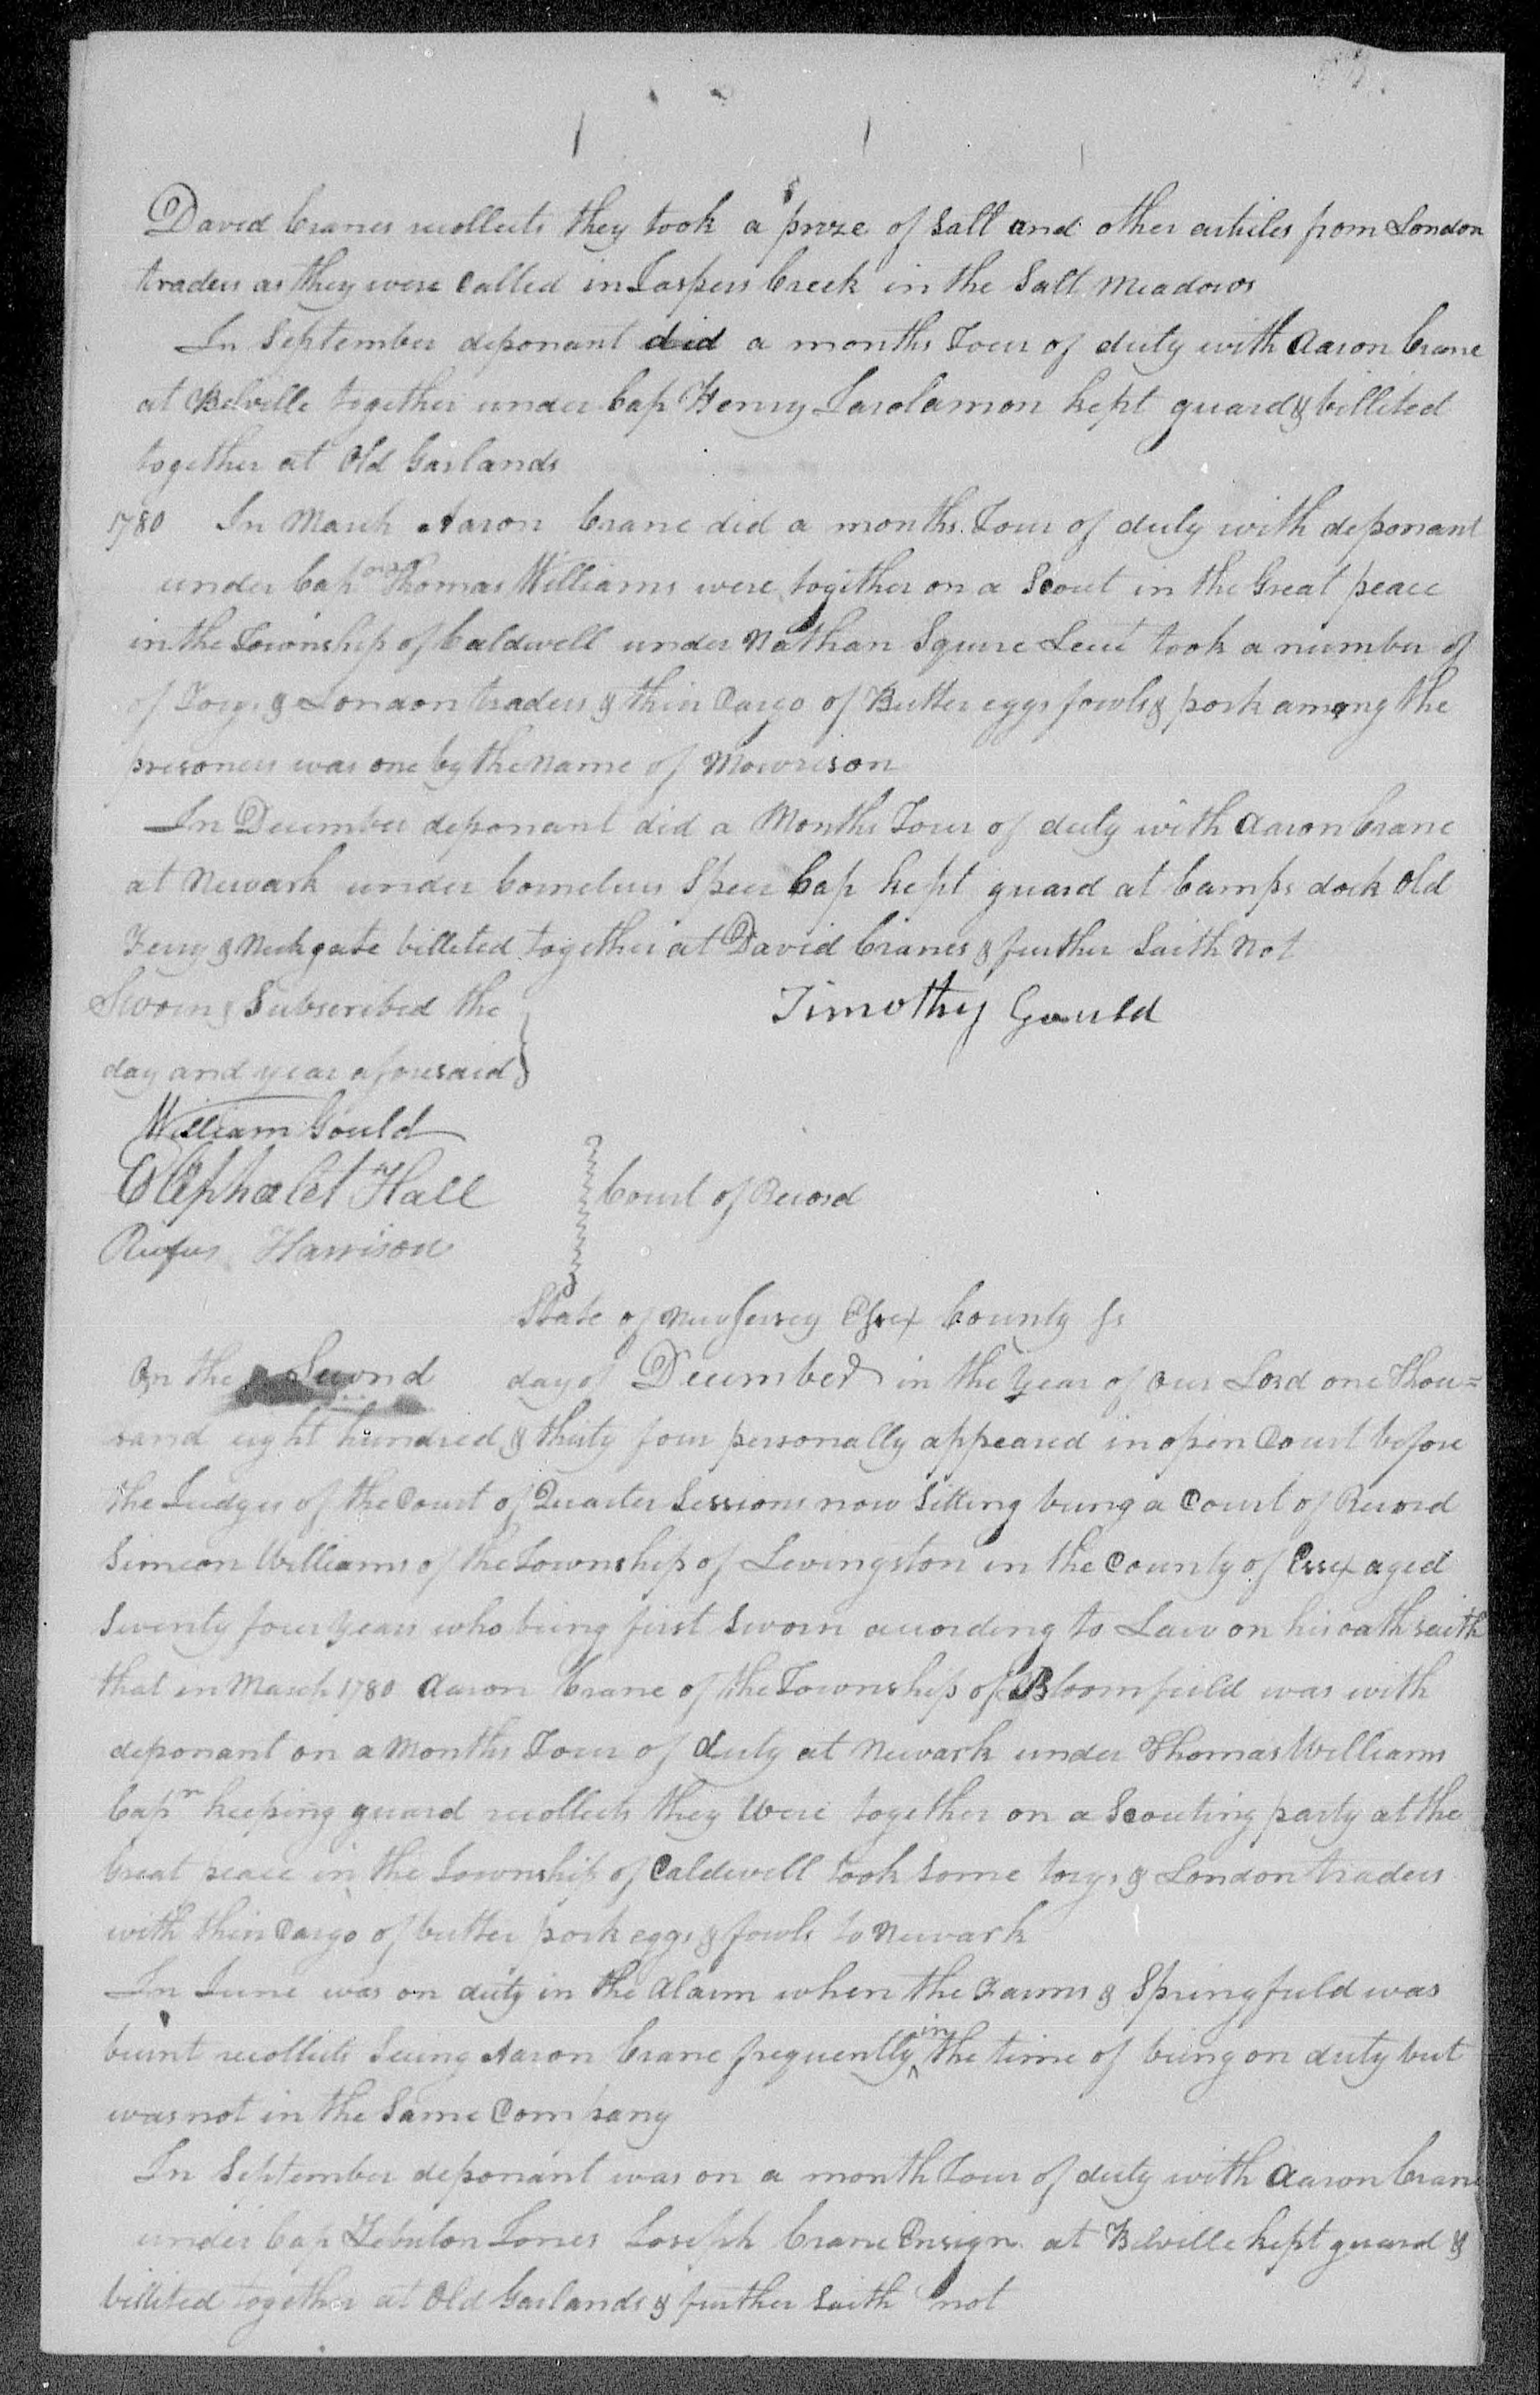David Crane recollects that took of salt and other articles from London

                                  traders as thewere called in Jasper Creek in the Salt Meadows.


                               In September deponent did a months Tour of duty with Aaron Cran

                               at Belville together  under Cap Henry Larolamon kept guard & billited 

                               together at Old Garlands


1790                      In March Aaron Crane did a months Tour of Duty with deponent

                               under Captn Thomas William were together on a Scout in the Great Peace

                                in the Township of Caldwell under Nathan Squire Lieut took a number of

                                of Torys & London Trasders & their cargo of Butter  eggs foles pork among the

                                prisoners was one byt the name Morrison


                                In December deponant did a months Tour of Duty with Aaron Crane

                                at Newark under Corneilus Seepr Cap kept guard at Camsp dock Old

                                Ferry & Neck gate billeted together at David Cranes & furhter saith not

                                Sworn & Subscribed the
                                                                                                                           Timothy GOuld
                                 day and year aforesaid

                                  Willaim Gould

                                 Eliphalet Hall             Court of Record

                                 Rufus Harrison



                                                                       State of New Jersey Essex County SS

                                  On the Second day of December in the yeaer of our Lord one thou
                                                
                                  said eight hundred & thirty four personally nappearedin Open Court before

                                  the Judge of the Court of Quarter Session now sitting beig a Court of Record

                                  Simeon WIllimas of the Township of Livingtson in the County of Essex andge

                                  Seventy four years who being first sworn according to Law on his oath saith

                                   that in March 1780 Aaron Crane of the Township of Bloomfiled wias iwth

                                  deponent on a monts Tour of Duty at Newark under Thomas Williams

                                   Capt keeping guard recollect theywere together on a scouting party at

                                   Great Peace in the Township of Caldwell took some Tory & London traders

                                   with this cargo of butter pork  eggs & fowls to Newark


                                    In June was on duty in the alram when the ? & Springfield was

                                   burnt recollect seeing Arron Crane frequently in the time of being on duty but

                                   was not in the company.


                                    In Septmeber deponant was on a month Tour of Duty with Aaron Crane

                                    under Cap Zebulon Jones   Sleph Crane Ensign at Belville kept guard &

                                    billited together at Old Garlands & further south not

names: Thomas Williams, Aaron Crane, Aaron Crane, William Gould, Zebulon Jones, Joseph Crane, Eliphalet Hall, Aaron Crane, Simeon Williams, David Cranes, David Cranes, Thomas Williams, Timothy Gould, Cornelius Speer, Aaron Crane, Rufus Harrison, Aaron Crane, Nathan Squire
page: 20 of 32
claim: rejected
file: R. 2441, Aaron Crane, New Jersey